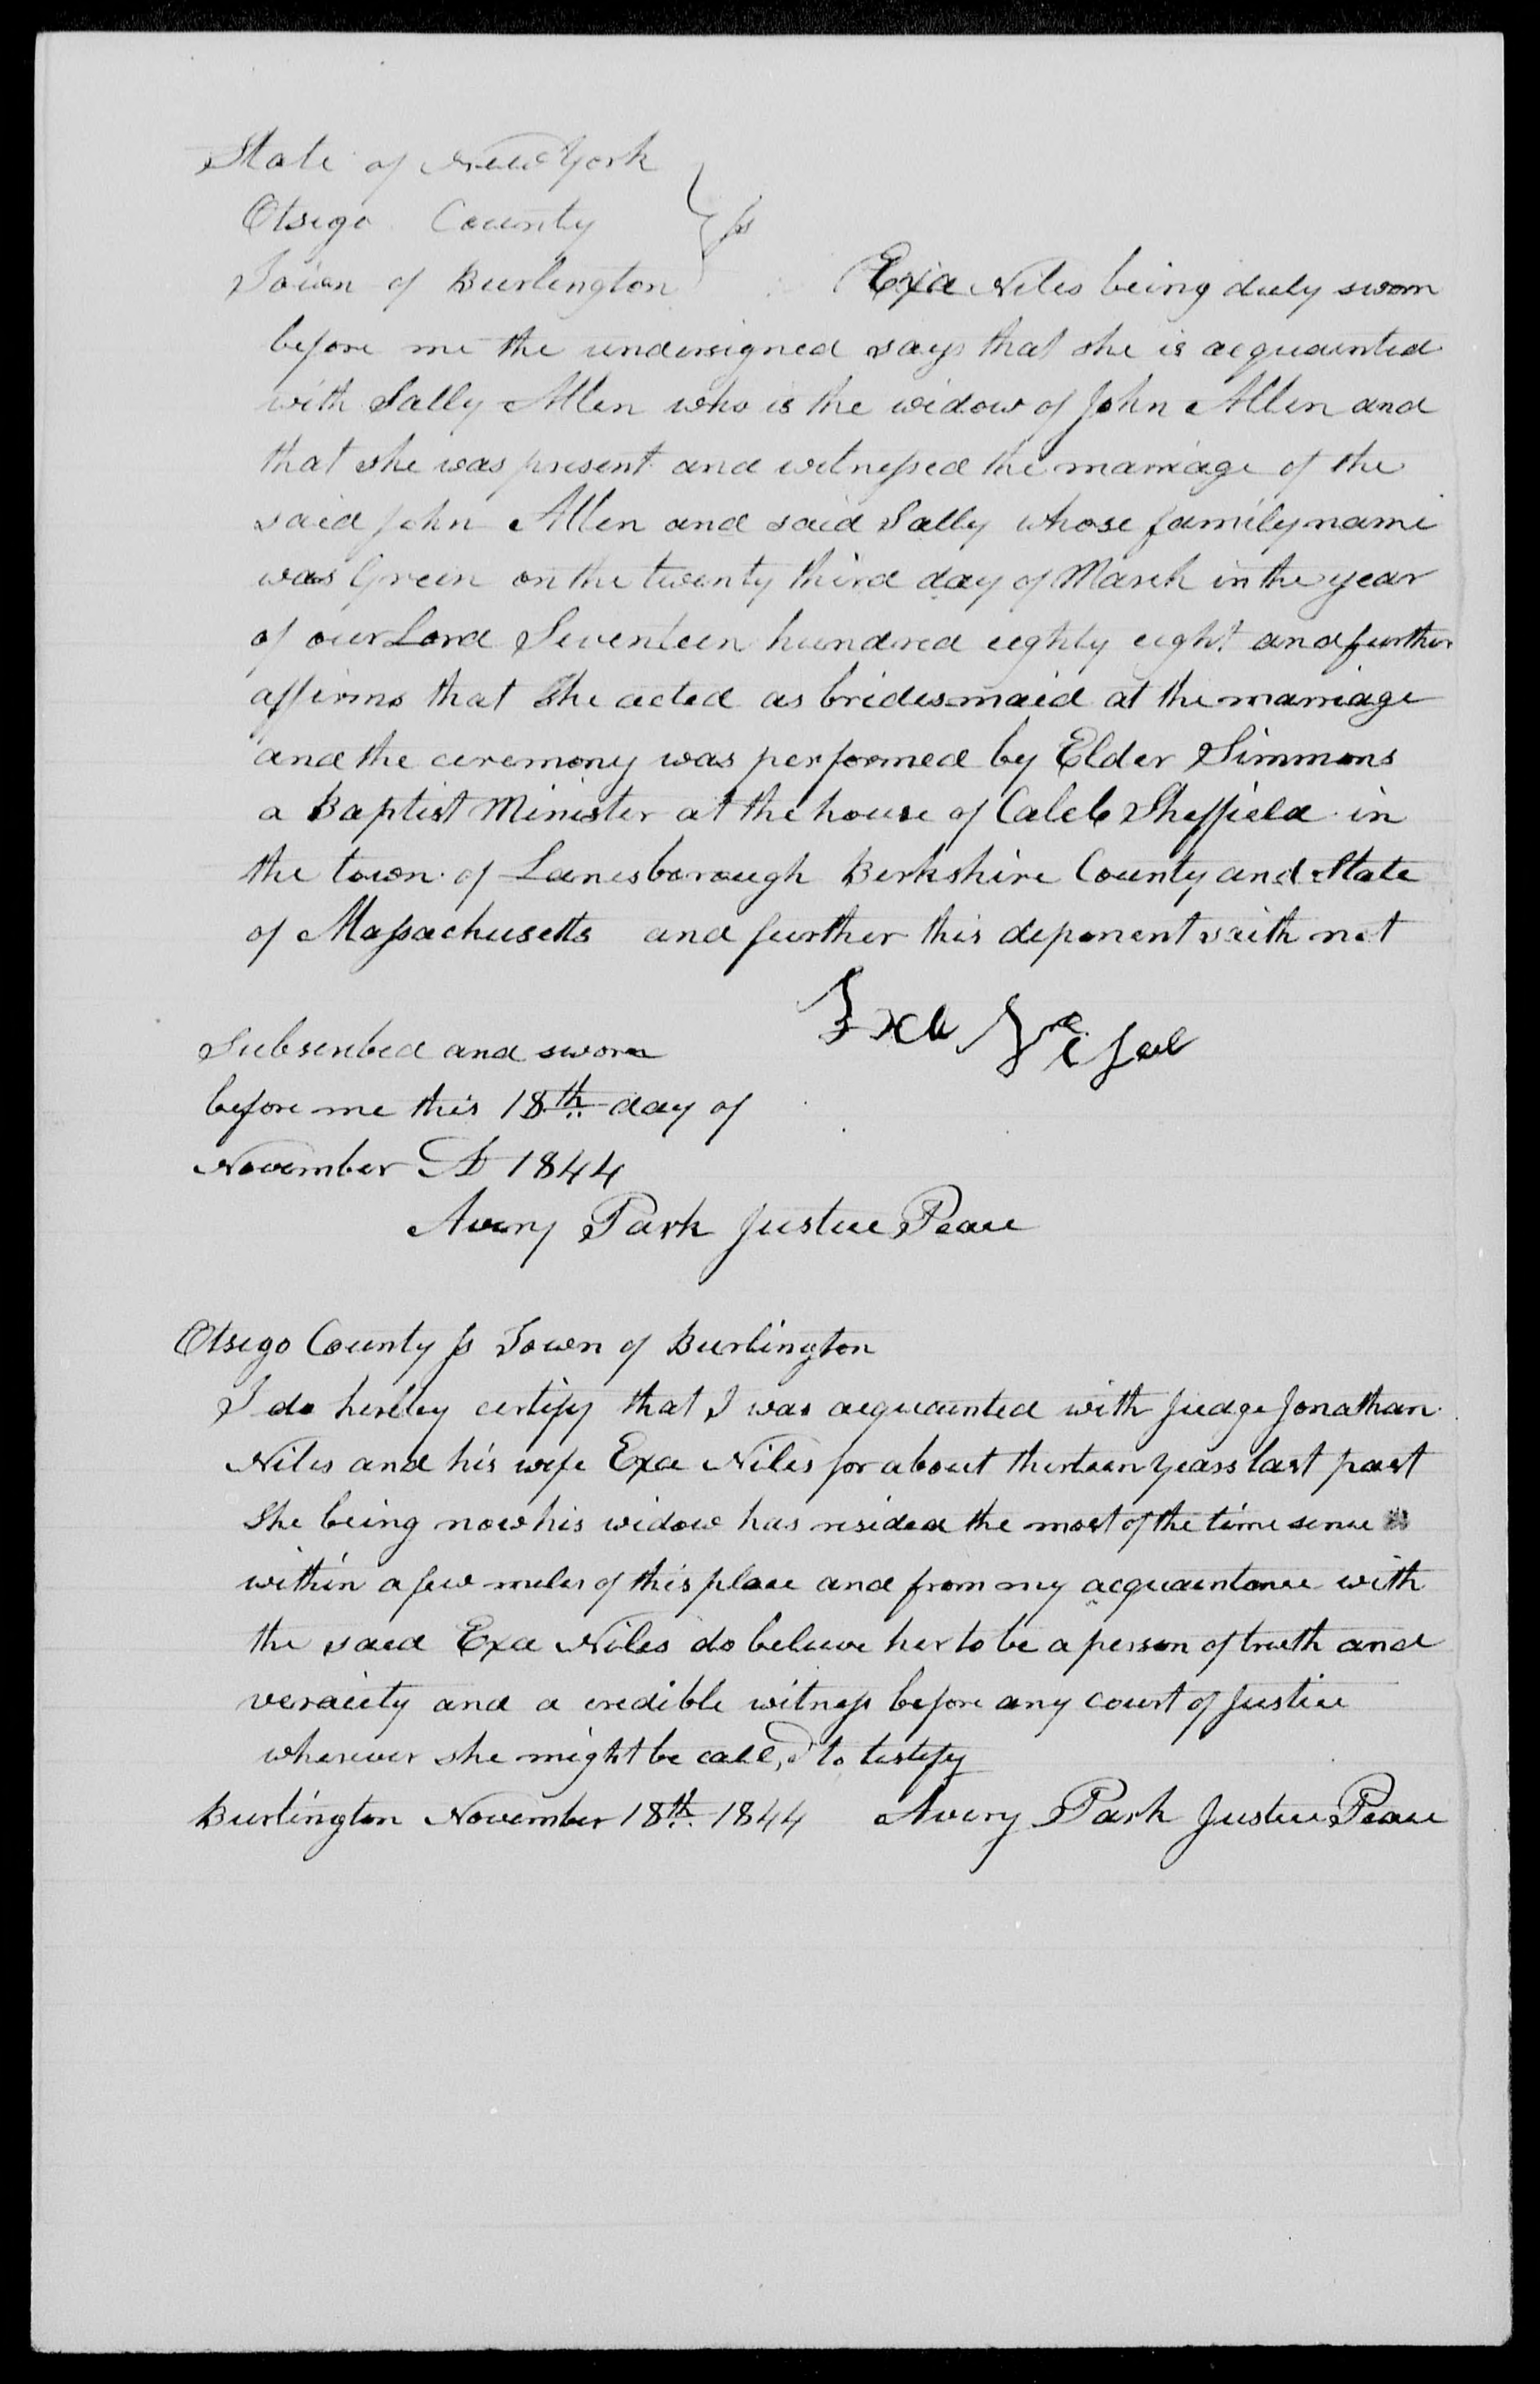State of New York Otsego County Town of Burlington} ss 
Exa Niles being duly sworn before me the undersigned says that she is acquainted with Sally Allen who is the widow of John Allen and that she was present and witnessed the marriage of the said John Allen and said Sally whose family name was Green on the twenty third day of March in the year of our Lord Seventeen hundred eighty eight and further affirms that she acted as bridesmaid at the marriage of and the ceremony was performed by Elder Simmons a Baptist Minister at the house of Caleb Sheffield in the town of Lanesborough Berkshire County and State of Massachusetts and further this deponent saith not
Exa Niles [signature]
Subscribed and sworn before me this 18th day of November AD 1844 
Avery Park Justice Peace 

Otsego County ss Town of Burlington
I do hereby certify that I was acquainted with Judge Jonathan Niles and his wife Exa Niles for about thirteen years last past she being now his widow has resided the most of the time since within a few miles of this place and from my acquaintance with the said Exa Niles do believe her to be a person of truth and veracity and a credible witness before any court of Justice wherever she might be called to testify 
Burlington November 18th 1844 Avery Park Justice Peace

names: John Allen, Exa Niles, Avery Park, Avery Park, Caleb Sheffield, Elder Simmons, Exa Niles, Jonathan Niles, Exa Niles, Green, John Allen, Sally, Exa Niles, Sally Allen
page: 62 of 74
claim: widow's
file: W. 23424, John Allen, Mass. R. I.